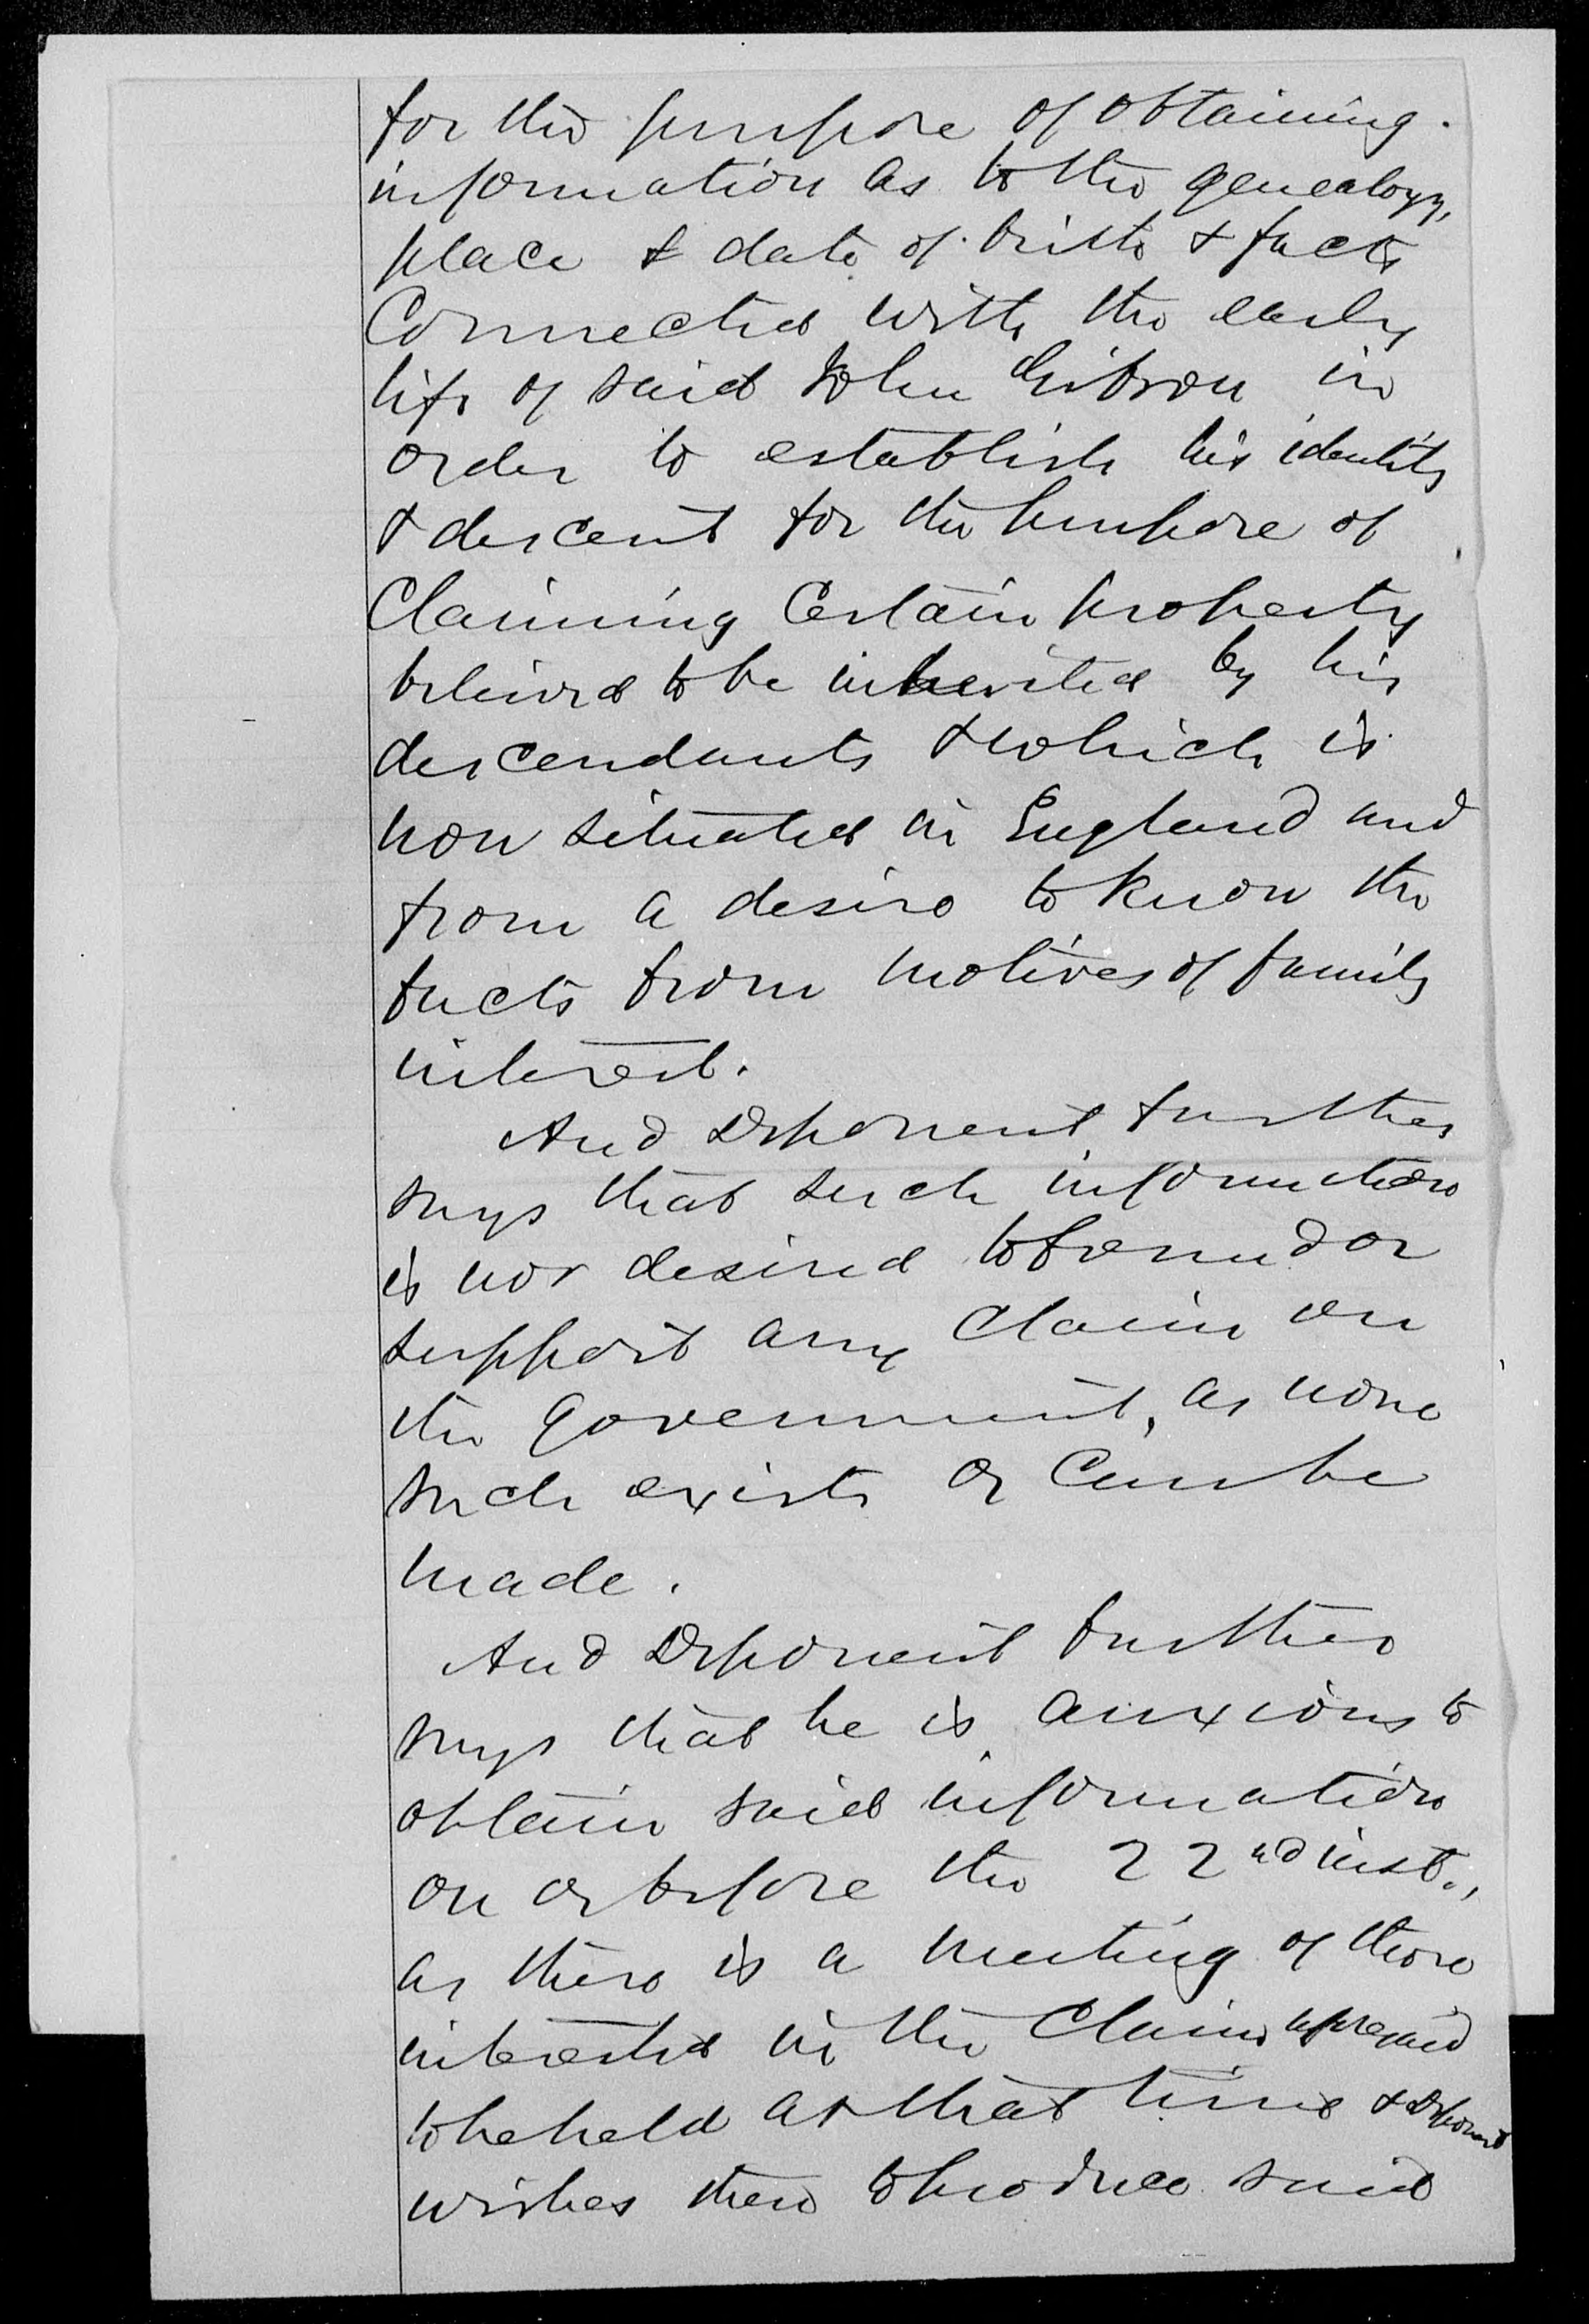for the purpose of obtaining
information as to the genealogy
place & date of birth & facts
Connected with the early
life of said John Gibson in
order to establish his identity
& descent for the purpose of
claiming certain property
believed to be inherited by
his descendants & which is
now situated in England and
from a desire to know the
facts from motives of family
interest.
And Deponent further
says that such information
is not desired to found or
support any Claim on
the government, as none
such exists or can be
made.
And Deponent further
says that he is anxious to
obtain said information
on or before the 22d inst.,
as there is a meeting of those
interested in the Claim aforesaid
to be held at that time & deponent
wishes then to produce said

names: John Gibson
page: 11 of 32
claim: survivor's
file: S. 34899, John Gibson, R.I.